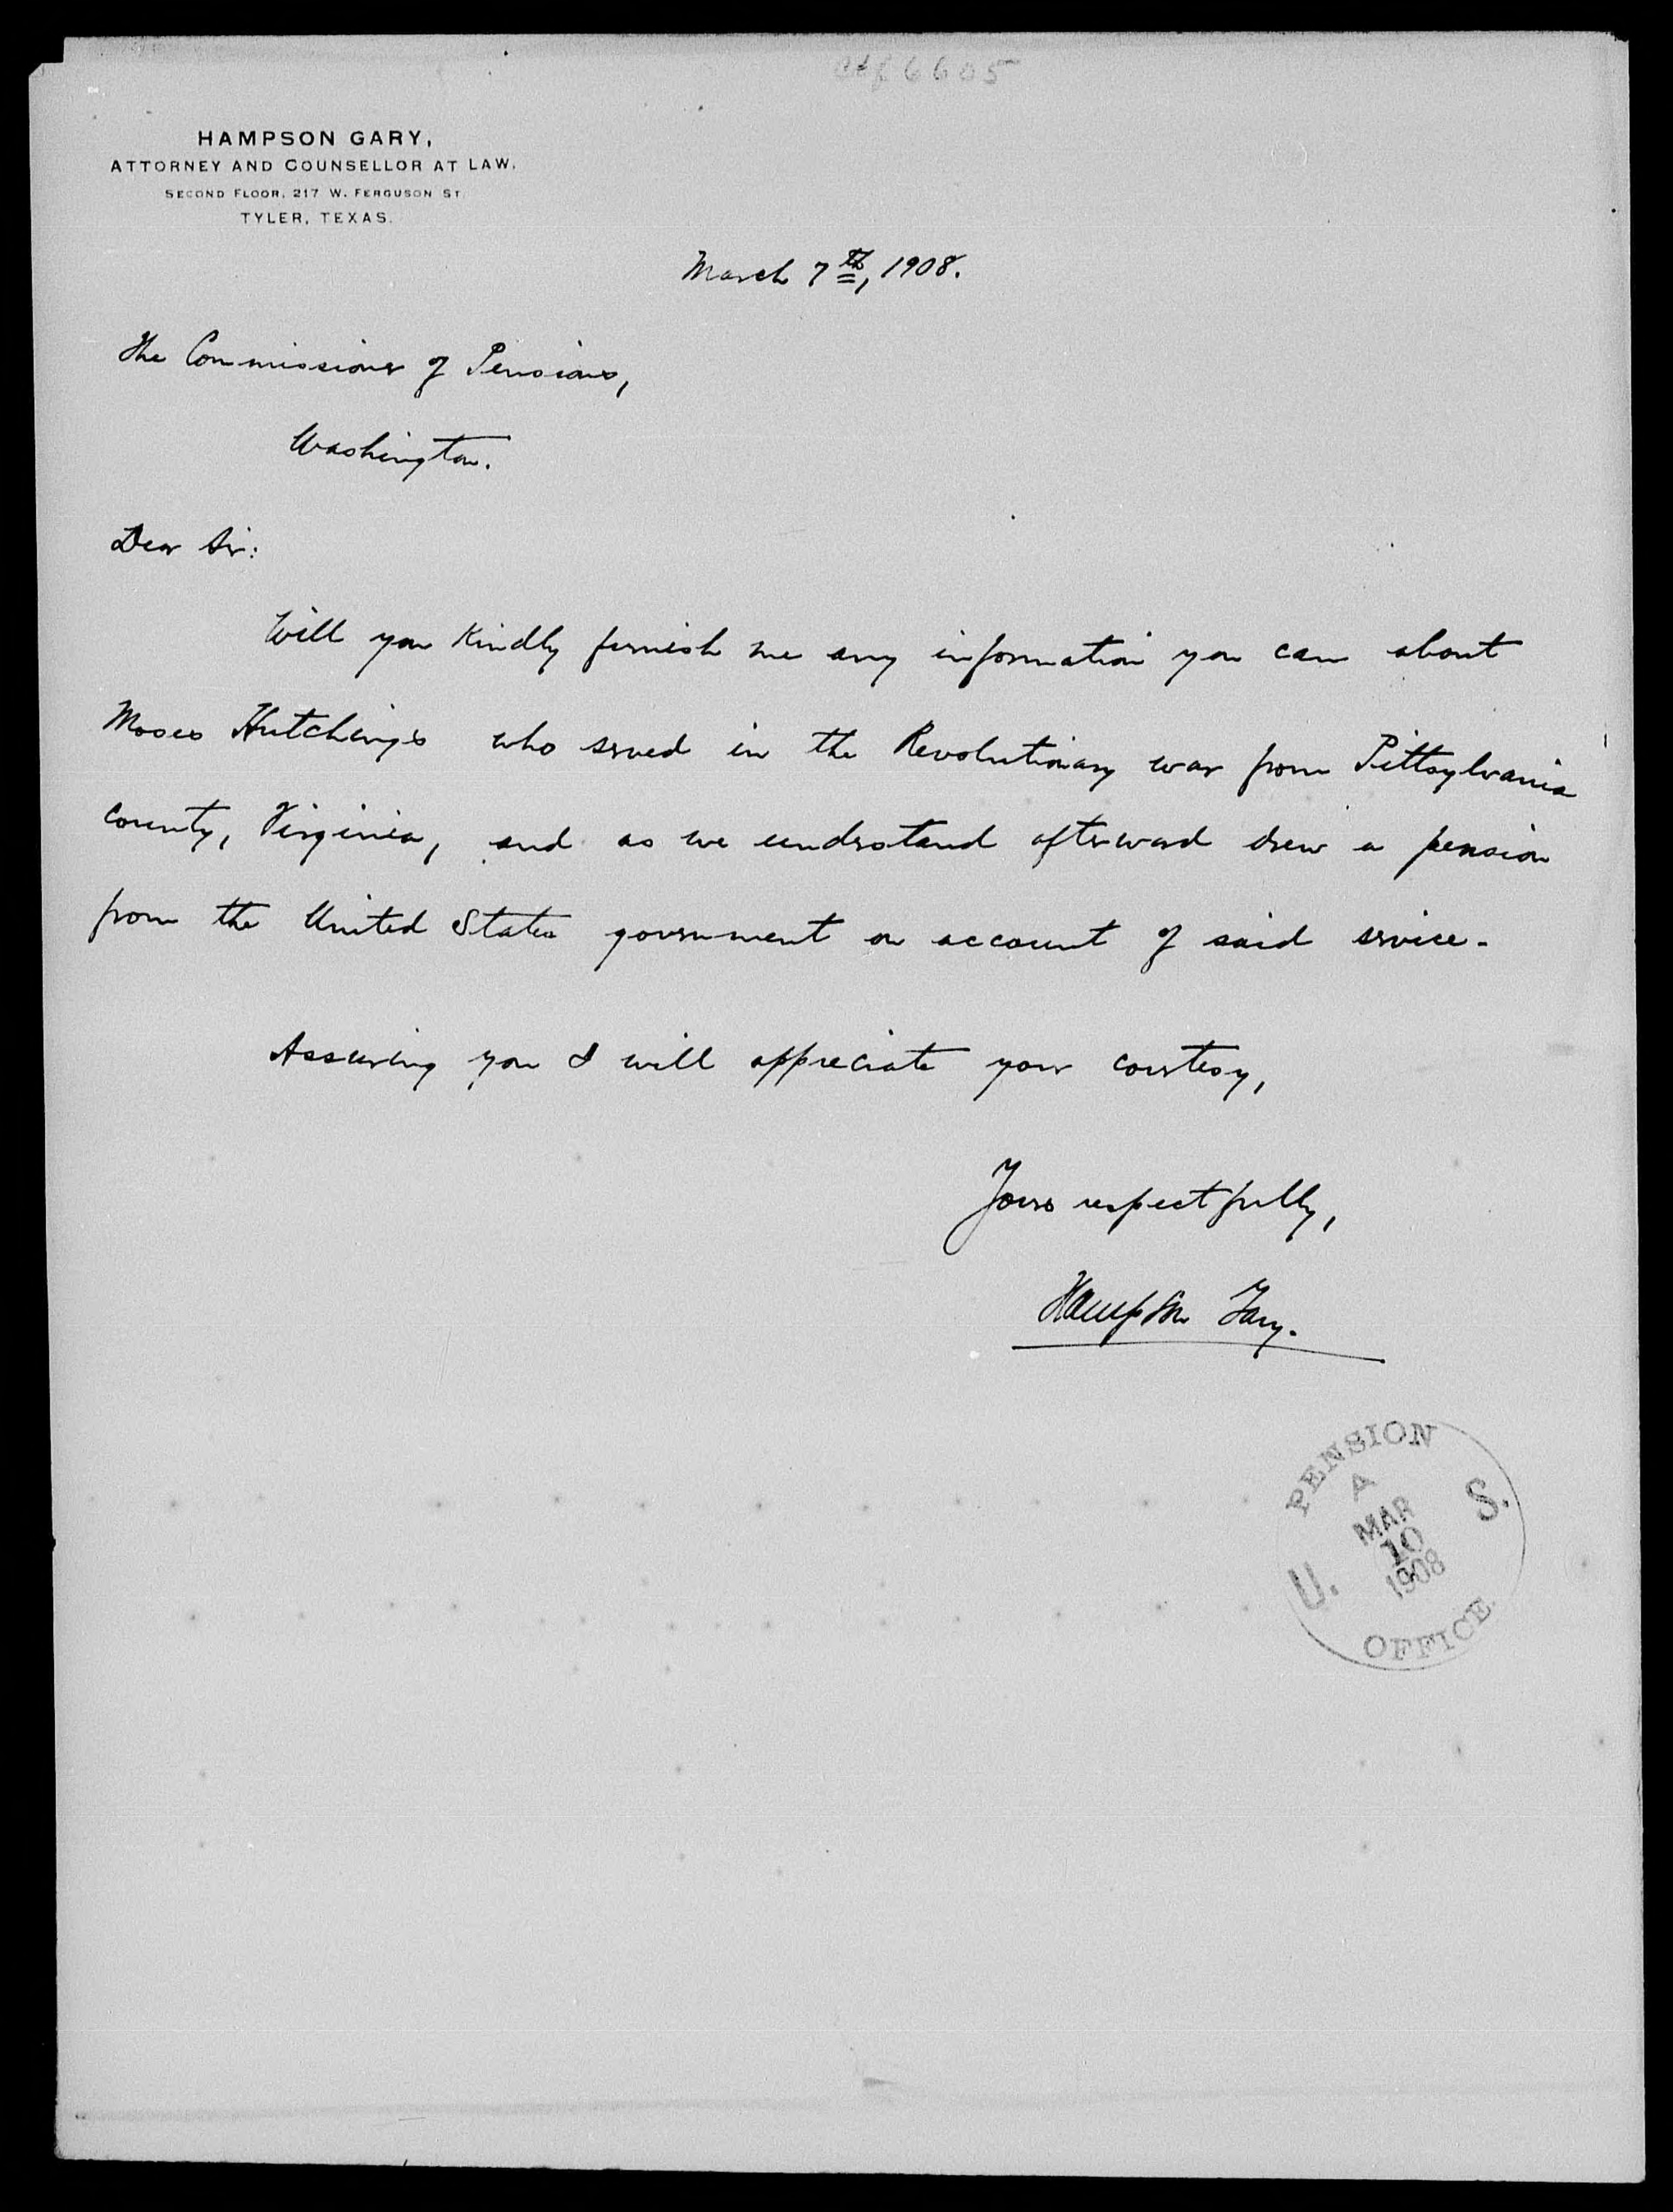Ctf 6605

[letterhead] 
HAMPSON GARY. 
ATTORNEY AND COUNSELLOR AT LAW, 
SECOND FLOOR. 217 W. FERGUSON ST. 
TYLER, TEXAS. 

March 7th 1908

The Commissioner of Pensions, 
Washington. 

Dear Sir: 
Will you kindly furnish me any information you can about Moses Hutchings who served in the Revolutionary war from Pittsylvania County, Virginia, and as we understand afterward drew a pension United States government on account of said service – 
Assuring you I will appreciate your courtesy, 

Yours respectfully, 

Hampson Gary.

[circular stamp] PENSION A MAR 10 1908 U. S. OFFICE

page: 18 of 18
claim: survivor's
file: S. 8742, for Moses Hutchings, Virginia